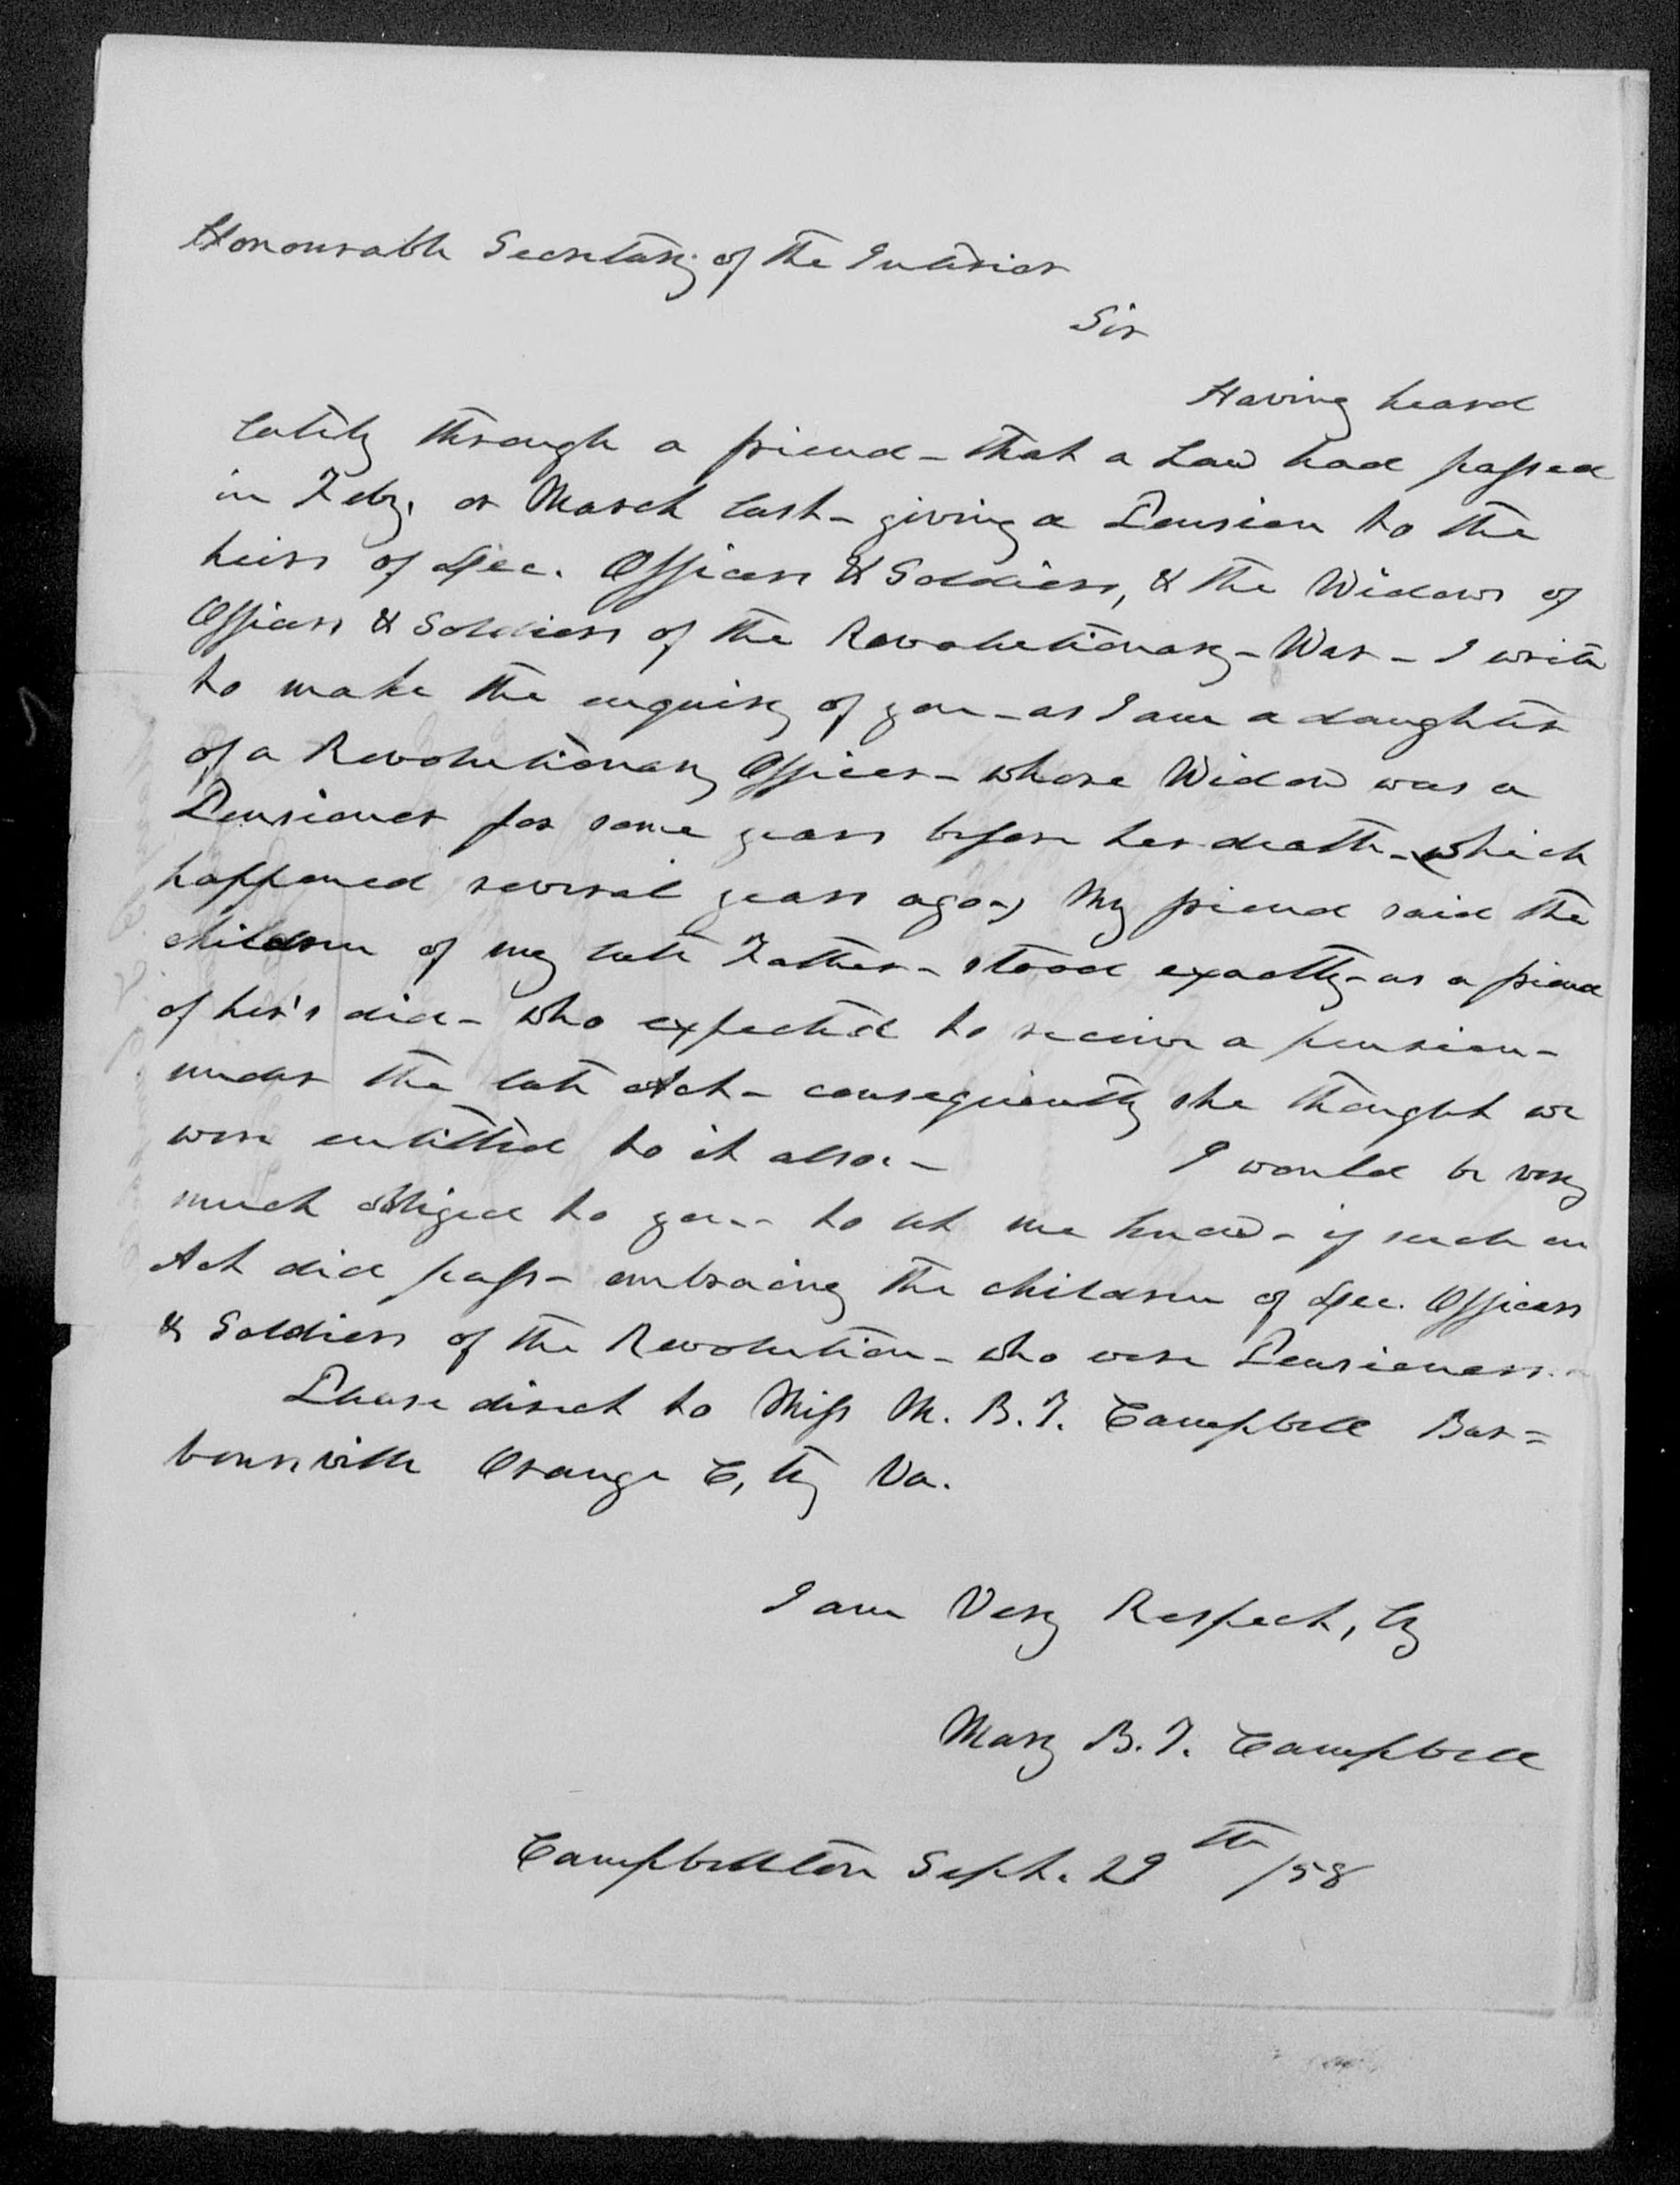Honorable Secretary of the Interior
Sir
Having heard lately through a friend __ that a Law had passed in Feby,  or March last __ giving a Pension to the heirs of Spec. Officers &[and] Soldiers, &[and] the Widows of Officers &[and] Soldiers of the Revolutionary __ War __ I write to make the enquiry of you __ as I am a daughter of a Revolutionary Officer __ whose widow was a Pensioner for some years before her death, (which happened several years ago.) My friend said the children of my late Father __ stood exactly _ as a friend of her's did __ who expected to receive a pension _  under the late Act __  consequently she thought we were entitled to it also ___     I would be very much obliged to you to let me know __ if such an Act did pass __ embracing the children of Spec. Officers &[and] Soldiers of the Revolution __ who were Pensioners.
Please direct to Mrs. B.T. Campbell    Barboursville   Orange C, ty   Va.

I am Very Respect , ly
Mary B.T.  Campbell

Campbellton Sept. 29th /58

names: Mary B T Campbell, M B T Campbell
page: 37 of 267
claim: widow's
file: W. 4,149, William Campbell, Va.